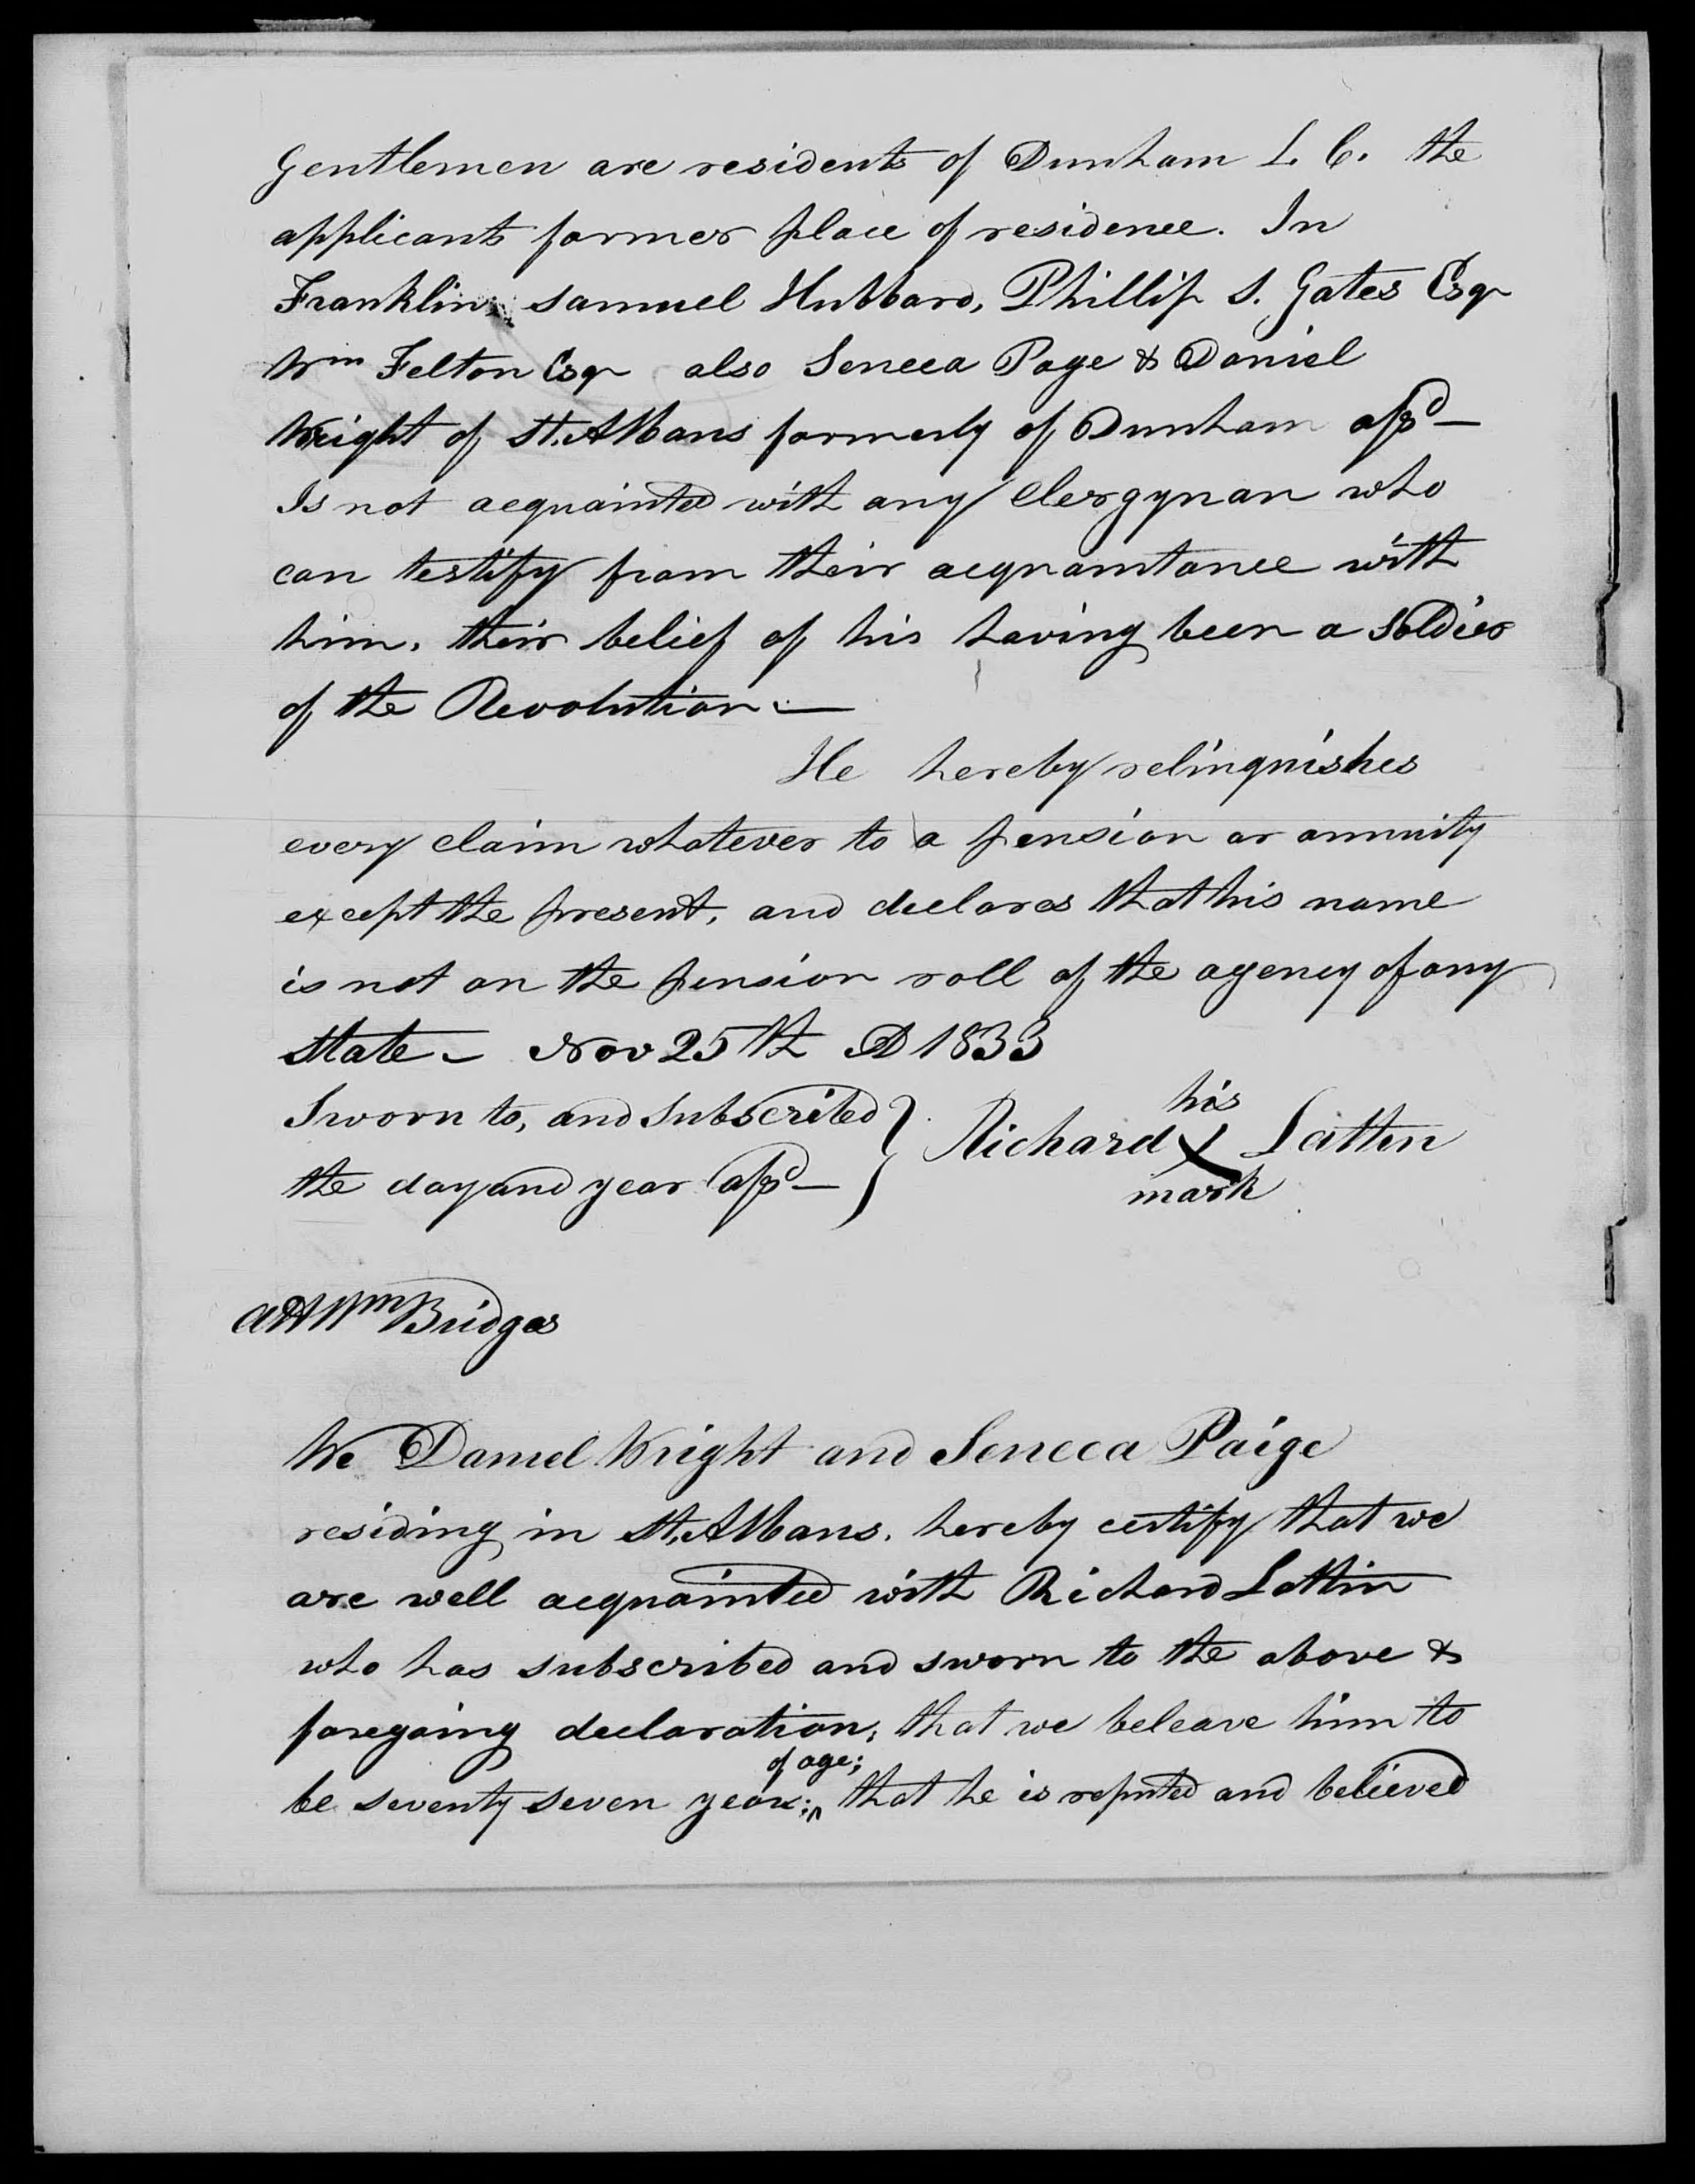Gentlemen are residents of Dunham L.C., the
applicant’s former place of residence. In
Franklin, Samuel Hubbard, Phillip S. Gates Esq
Wm Felton Esq. Also Seneca Page & Daniel
Wright of St. Albans formerly of Dunham afs’d.
Is not acquainted with any clergyman who
can testify from their acquaintance with
him, their belief of his having been a soldier
of the Revolution. He hereby relinquishes
every claim whatever to a pension or annuity
except the present, and declares that his name
is not on the pension roll of the agency of any
State. Nov 25th AD 1833
Richard Lattin his mark
Sworn to and subscribed  the day and year and
Att Wm Bridges

We Daniel Wright and Seneca Paige
residing in the Albans, hereby certify that we
are well acquainted with Richard Lattin
who has subscribed and sworn to the above &
foregoing declaration, that we believe him to
be seventy seven years. That he is reputed and believed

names: Richard Lattin; Phillip S Gates; Daniel Wright; Samuel Hubbard; Seneca Paige; Seneca Page; Wm Felton; Wm Bridges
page: 9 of 99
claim: widow's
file: W. 24,482, for Richard Lattin, Vermont